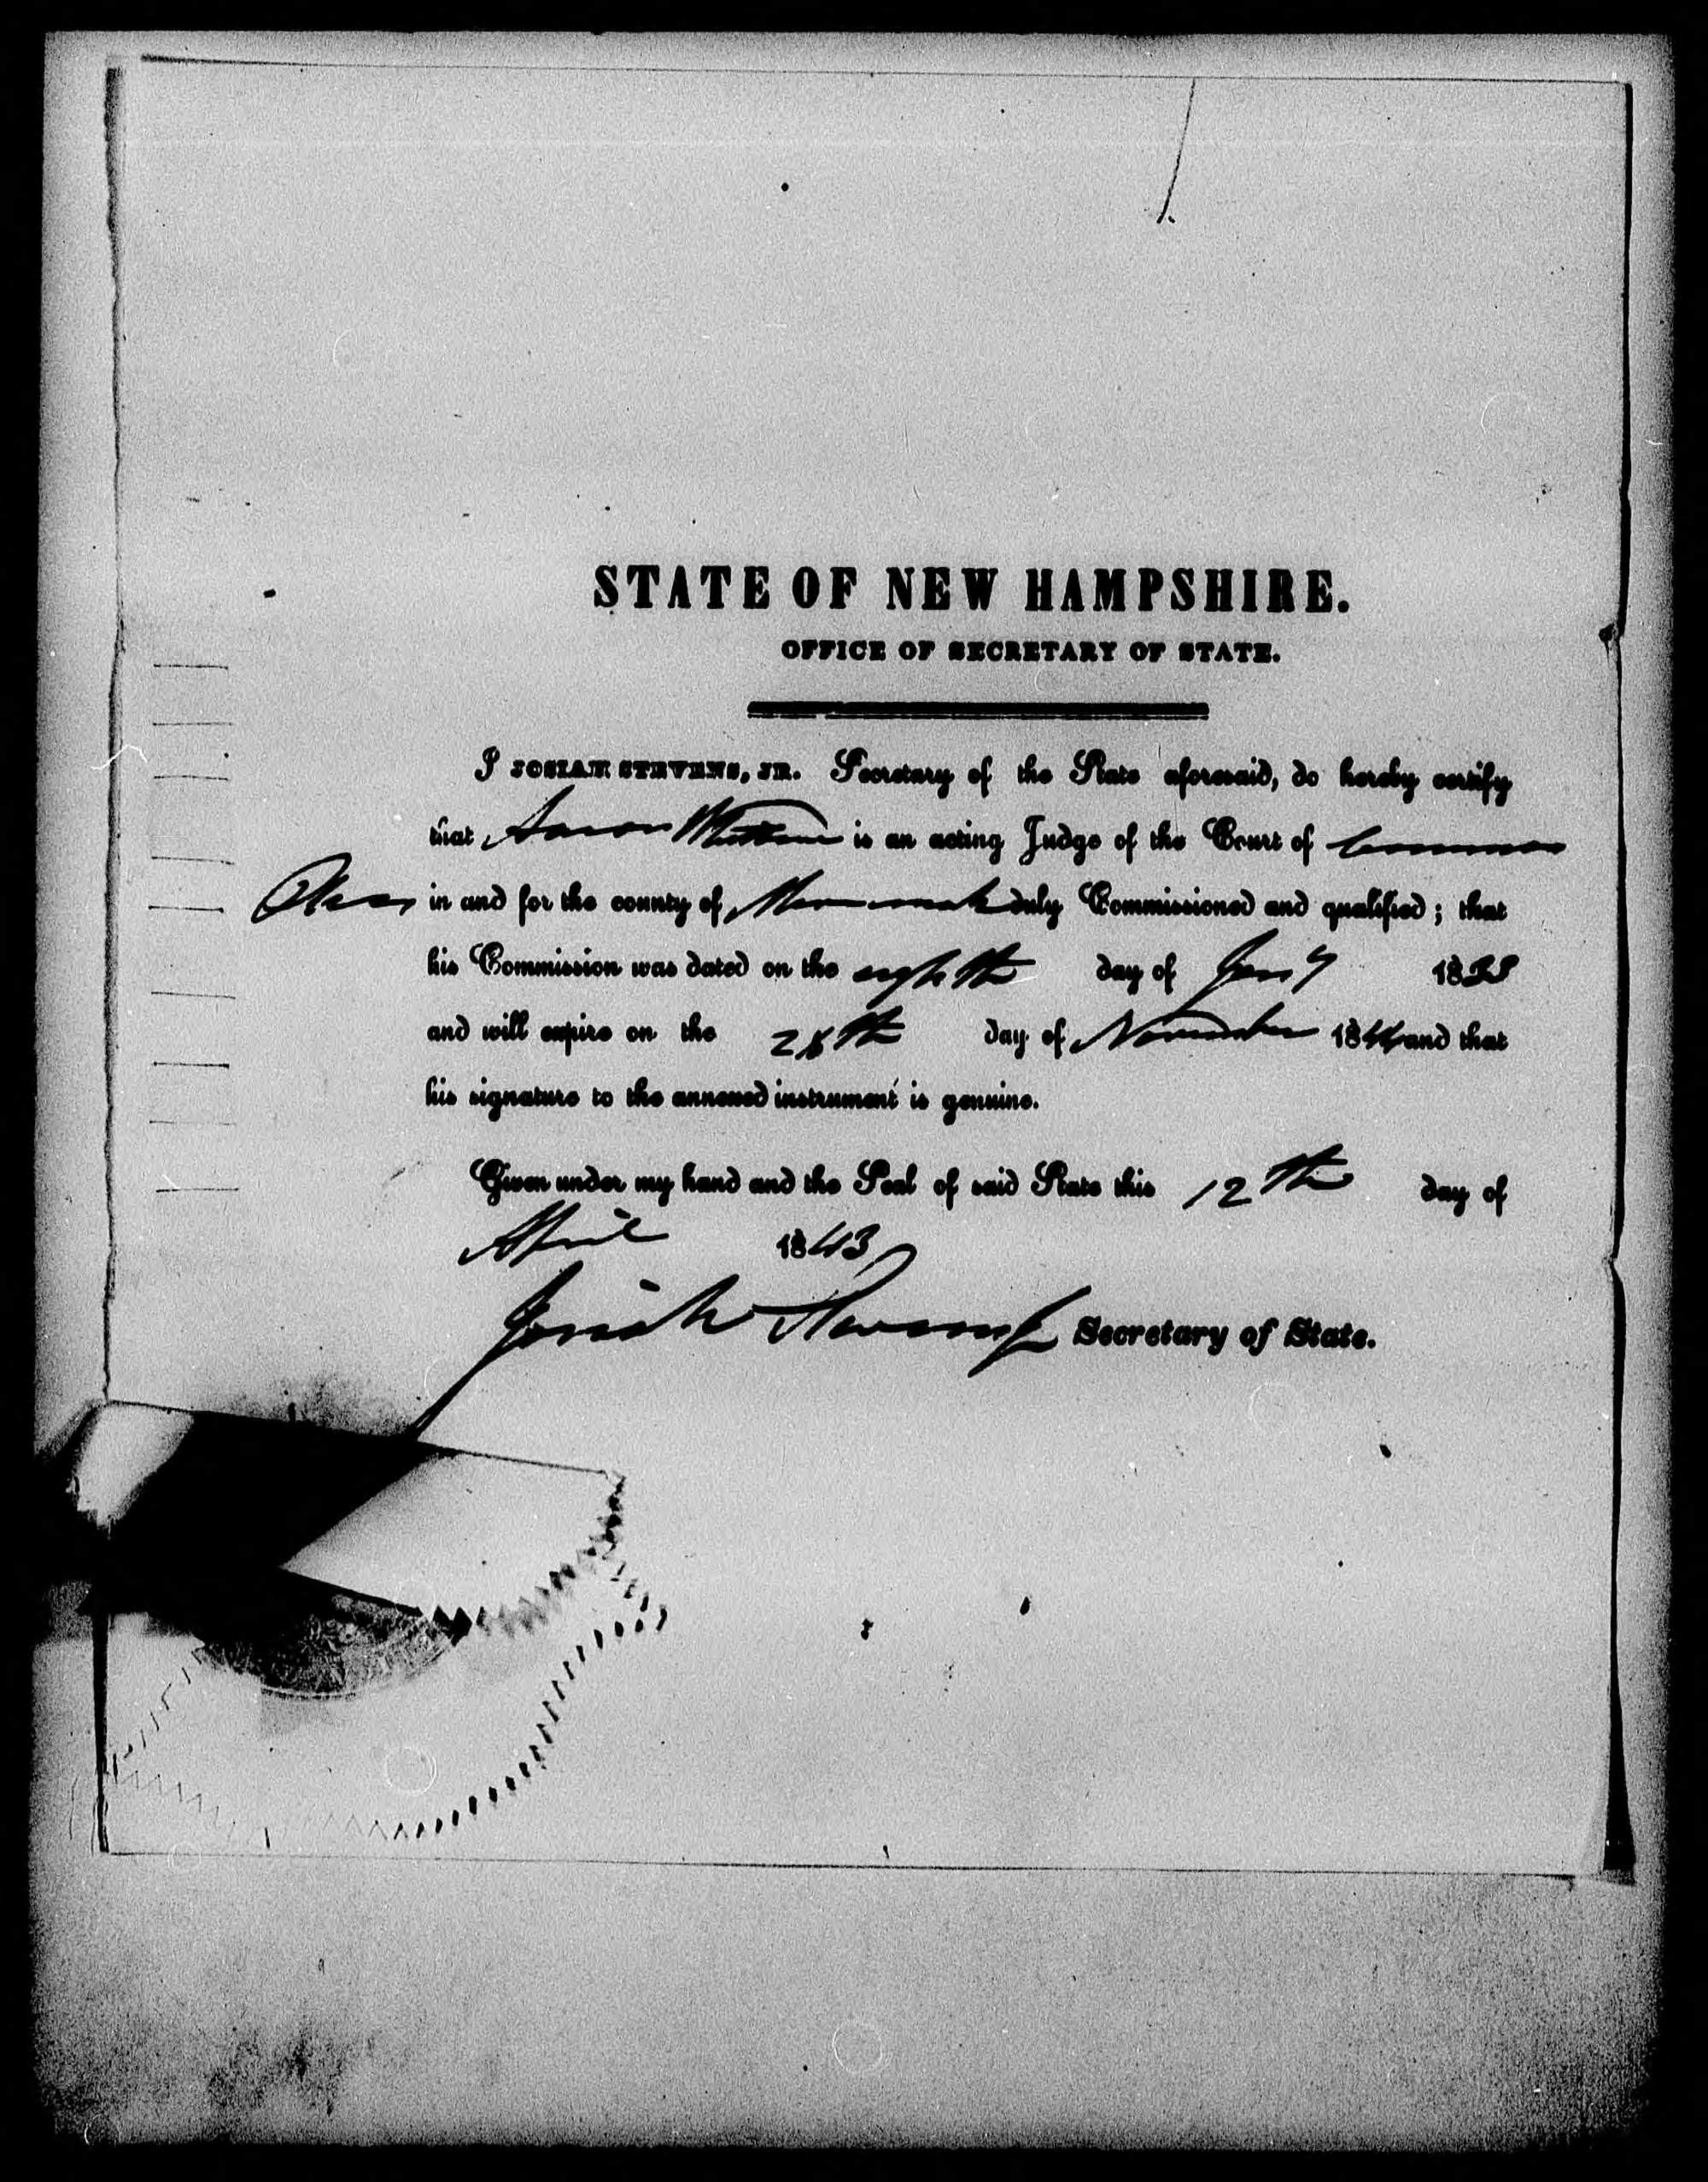STATE OF NEW HAMPSHIRE.
OFFICE OF SECRETARY OF STATE.
I JOSIAH STEVENS JR. Secretary of the State aforesaid, do hereby certify that
Aaron Whittemore is an acting Judge of the Court of Common Pleas
in and for the county of Merrimack Commissioned and qualified; that
his Commission was dated on the eighth day of Jany 1828
and will expire on the 28th day of November 1844 and that
his signature to the annexed instrument is genuine
Given under my hand and the Seal of said State this 12th day of April 1843
Josiah Stevens Secretary of State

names: Aaron Whittemore, Josiah Stevens, Josiah Stevens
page: 43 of 57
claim: widow's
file: W. 16,114, John Elliot, Continental (Mass) N.H.